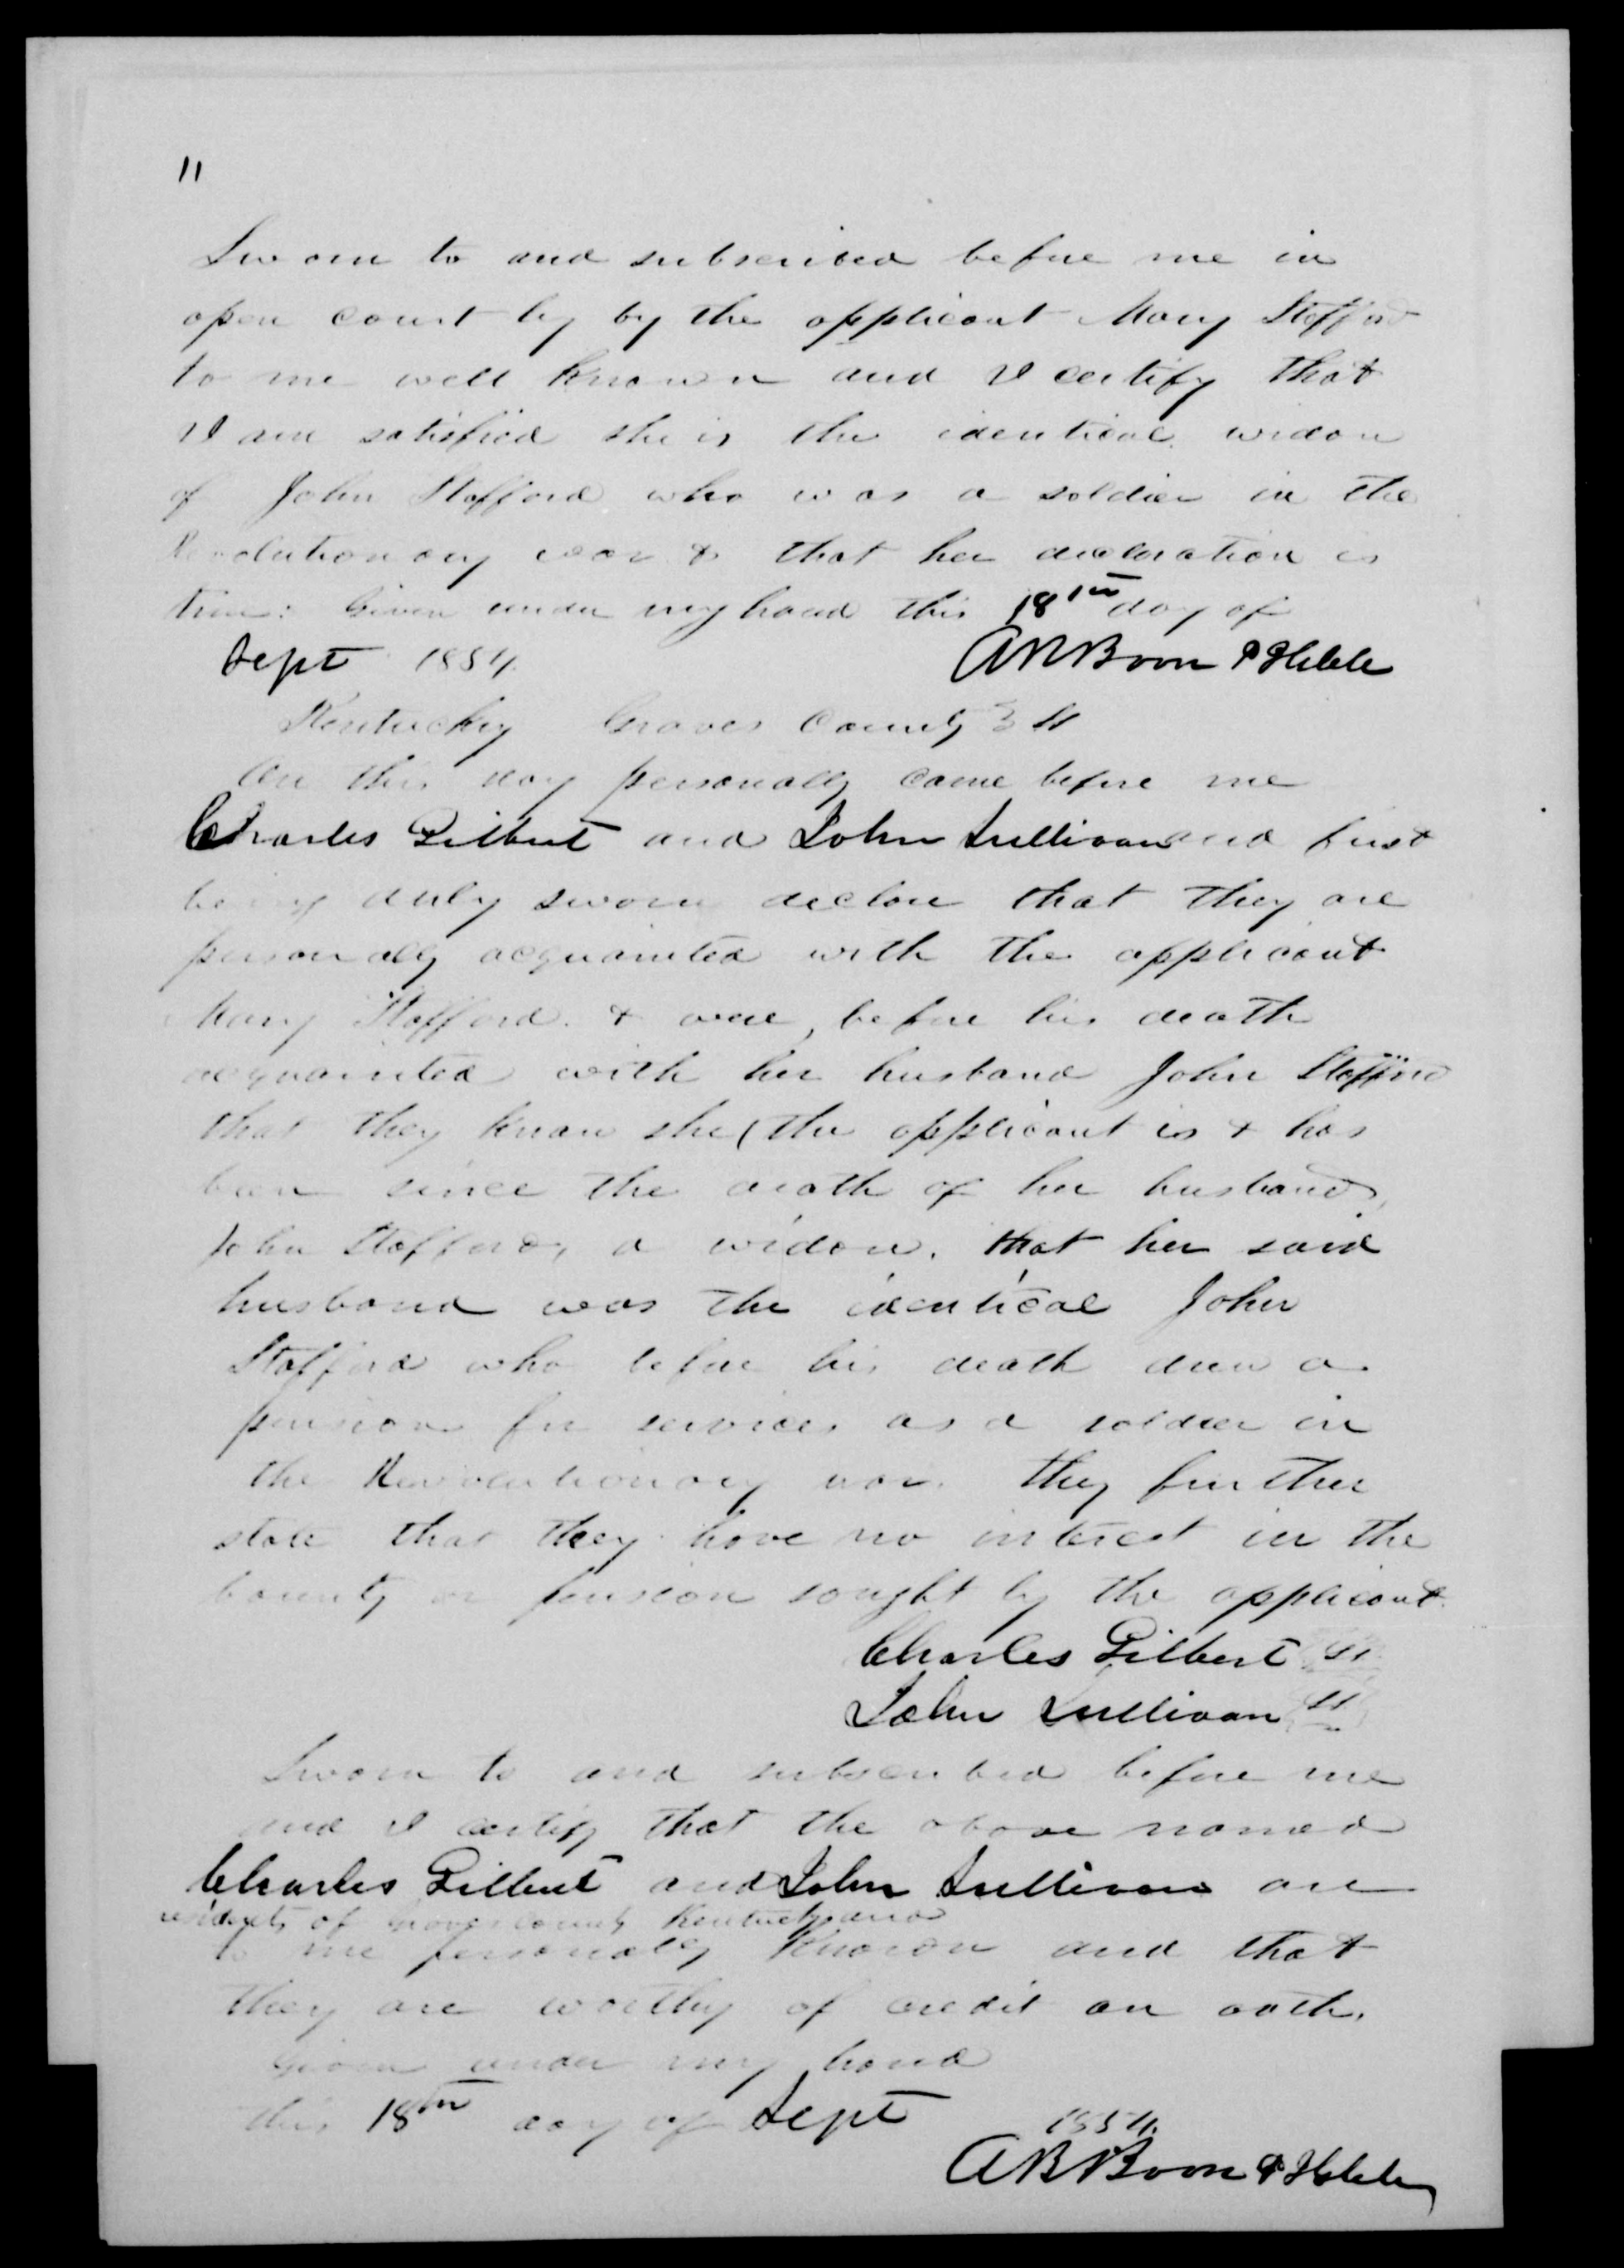II

Sworn to and subscribed before me in open court by the applicant Mary Stafford to me well known and we certify that I am satisfied she is the identical widow of John Stafford who was a solder in the Revolutionary war & that her declaration is thus: Given under my hand this 18th day of Sep 1854		ABBoon P Helele

Kentucky Graves County SS
On this day personally came before me Charles Gilbert and John Sullivan and first being duly sworn declare that they are personally acquainted with this applicant Mary Stafford, & were, before his death that they knew she (the applicant is & has been since the death of her husband John Stafford, a widow. That her said husband was the  identical John Stafford who before his death drew a pension for services as a soldier in the Revolutionary war. They further state that they have no interest in the bounty or pension sought by the applicant
		Charles Gilbert SS
		John Sullivan SS

Short to and subscribed before me and I certify that we the above named Charles Gilbert and John Sullivan are residents of Graves county Kentucky and to me personally known and that they are worthy of credit on oath,
Given under my hand
this 18th day of Sept 1854
ABBoon P Helele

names: John Stafford; John Sullivan; John Sullivan; John Sullivan; John Stafford; John Stafford; A R Boon; A R Boon; Charles Gilbert; Charles Gilbert; Mary Stafford; Mary Stafford; Charles Gilbert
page: 18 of 61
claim: widow's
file: W. 11554, for John Stafford, Maryland